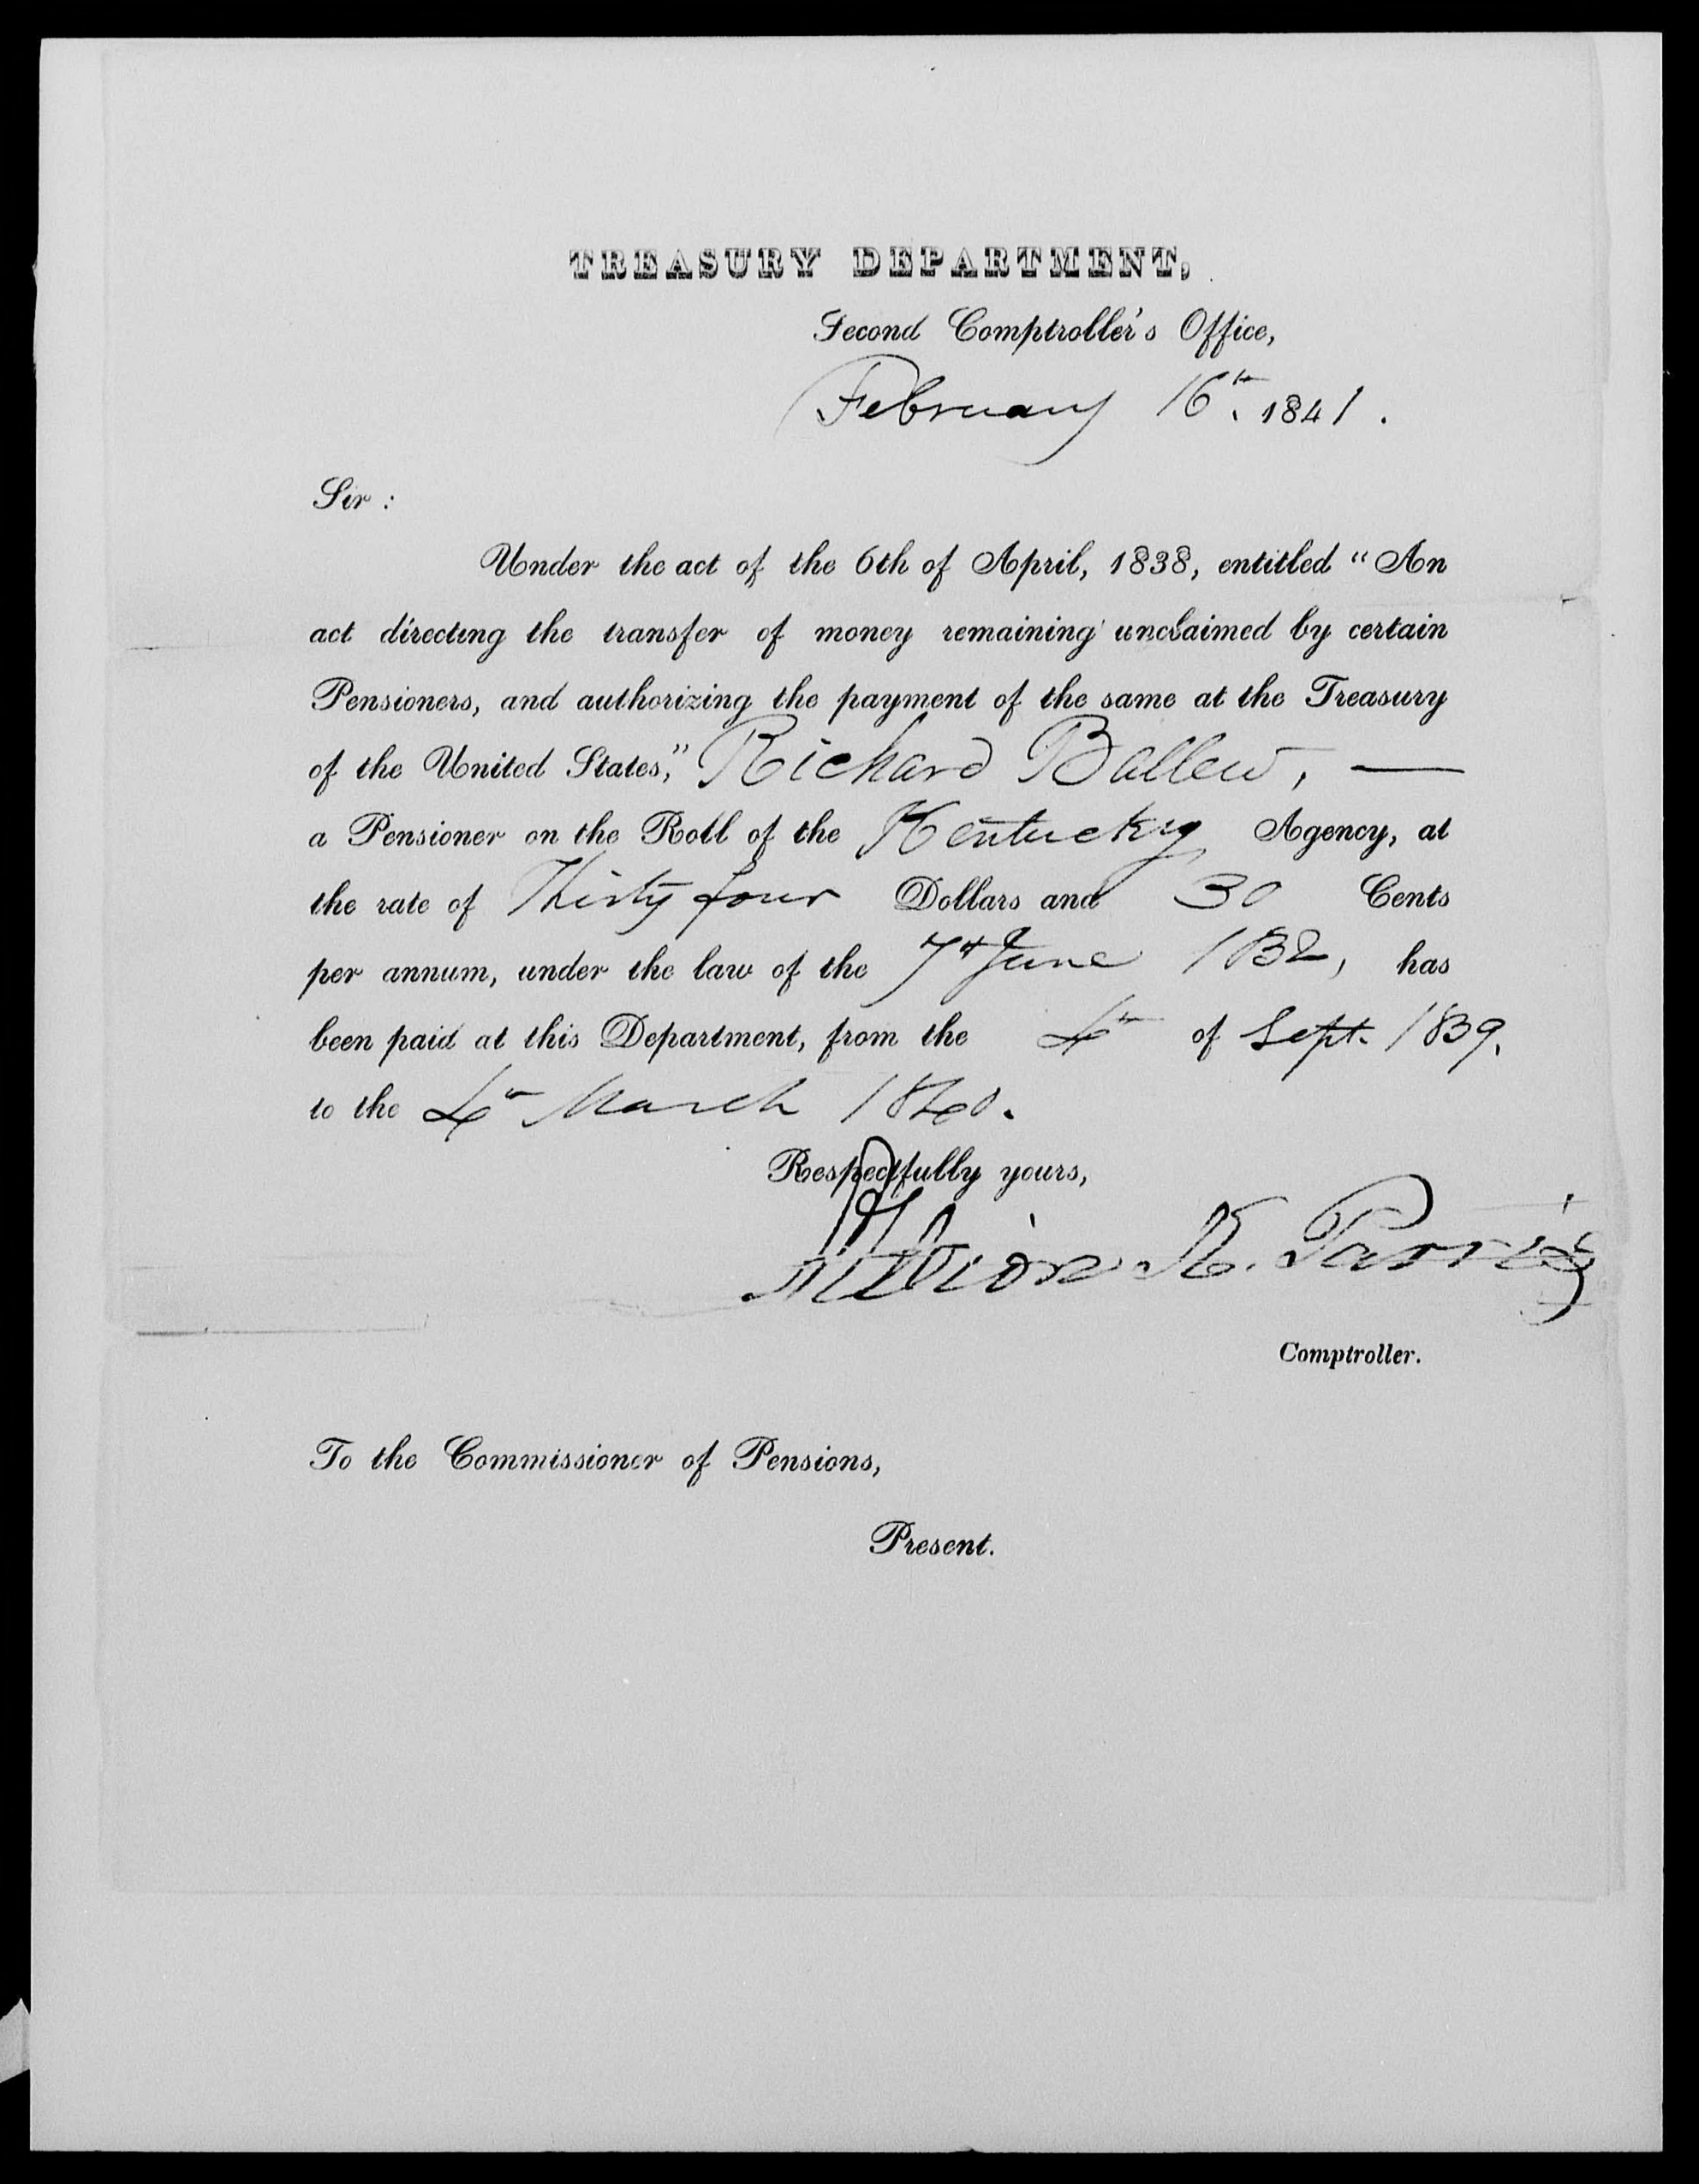TREASURY DEPARTMENT,
Second Comptroller's Office,
February 16th, 1841.

Sir:
Under the act of the 6th of April, 1838, entitled "An
act directing the transfer of money remaining unclaimed by certain
Pensioners, and authorizing the payment of the same at the Treasury
of the United States,"  Richard Ballew,
a Pensioner of the Roll of the Kentucky Agency, at
the rate of thirty four Dollars and 30 Cents
per annum, under the law of the 7th June 1832, has
been paid at this Department, from the 4th Sept. 1839,
to the 4th March 1840.
Respectfully yours,
Albion K. Parris
Comptroller.

To the Commissioner of Pensions,
Present.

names: Albion K Parris, Richard Ballew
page: 21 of 33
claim: survivor's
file: S. 15305, Richard Ballew, N.C.